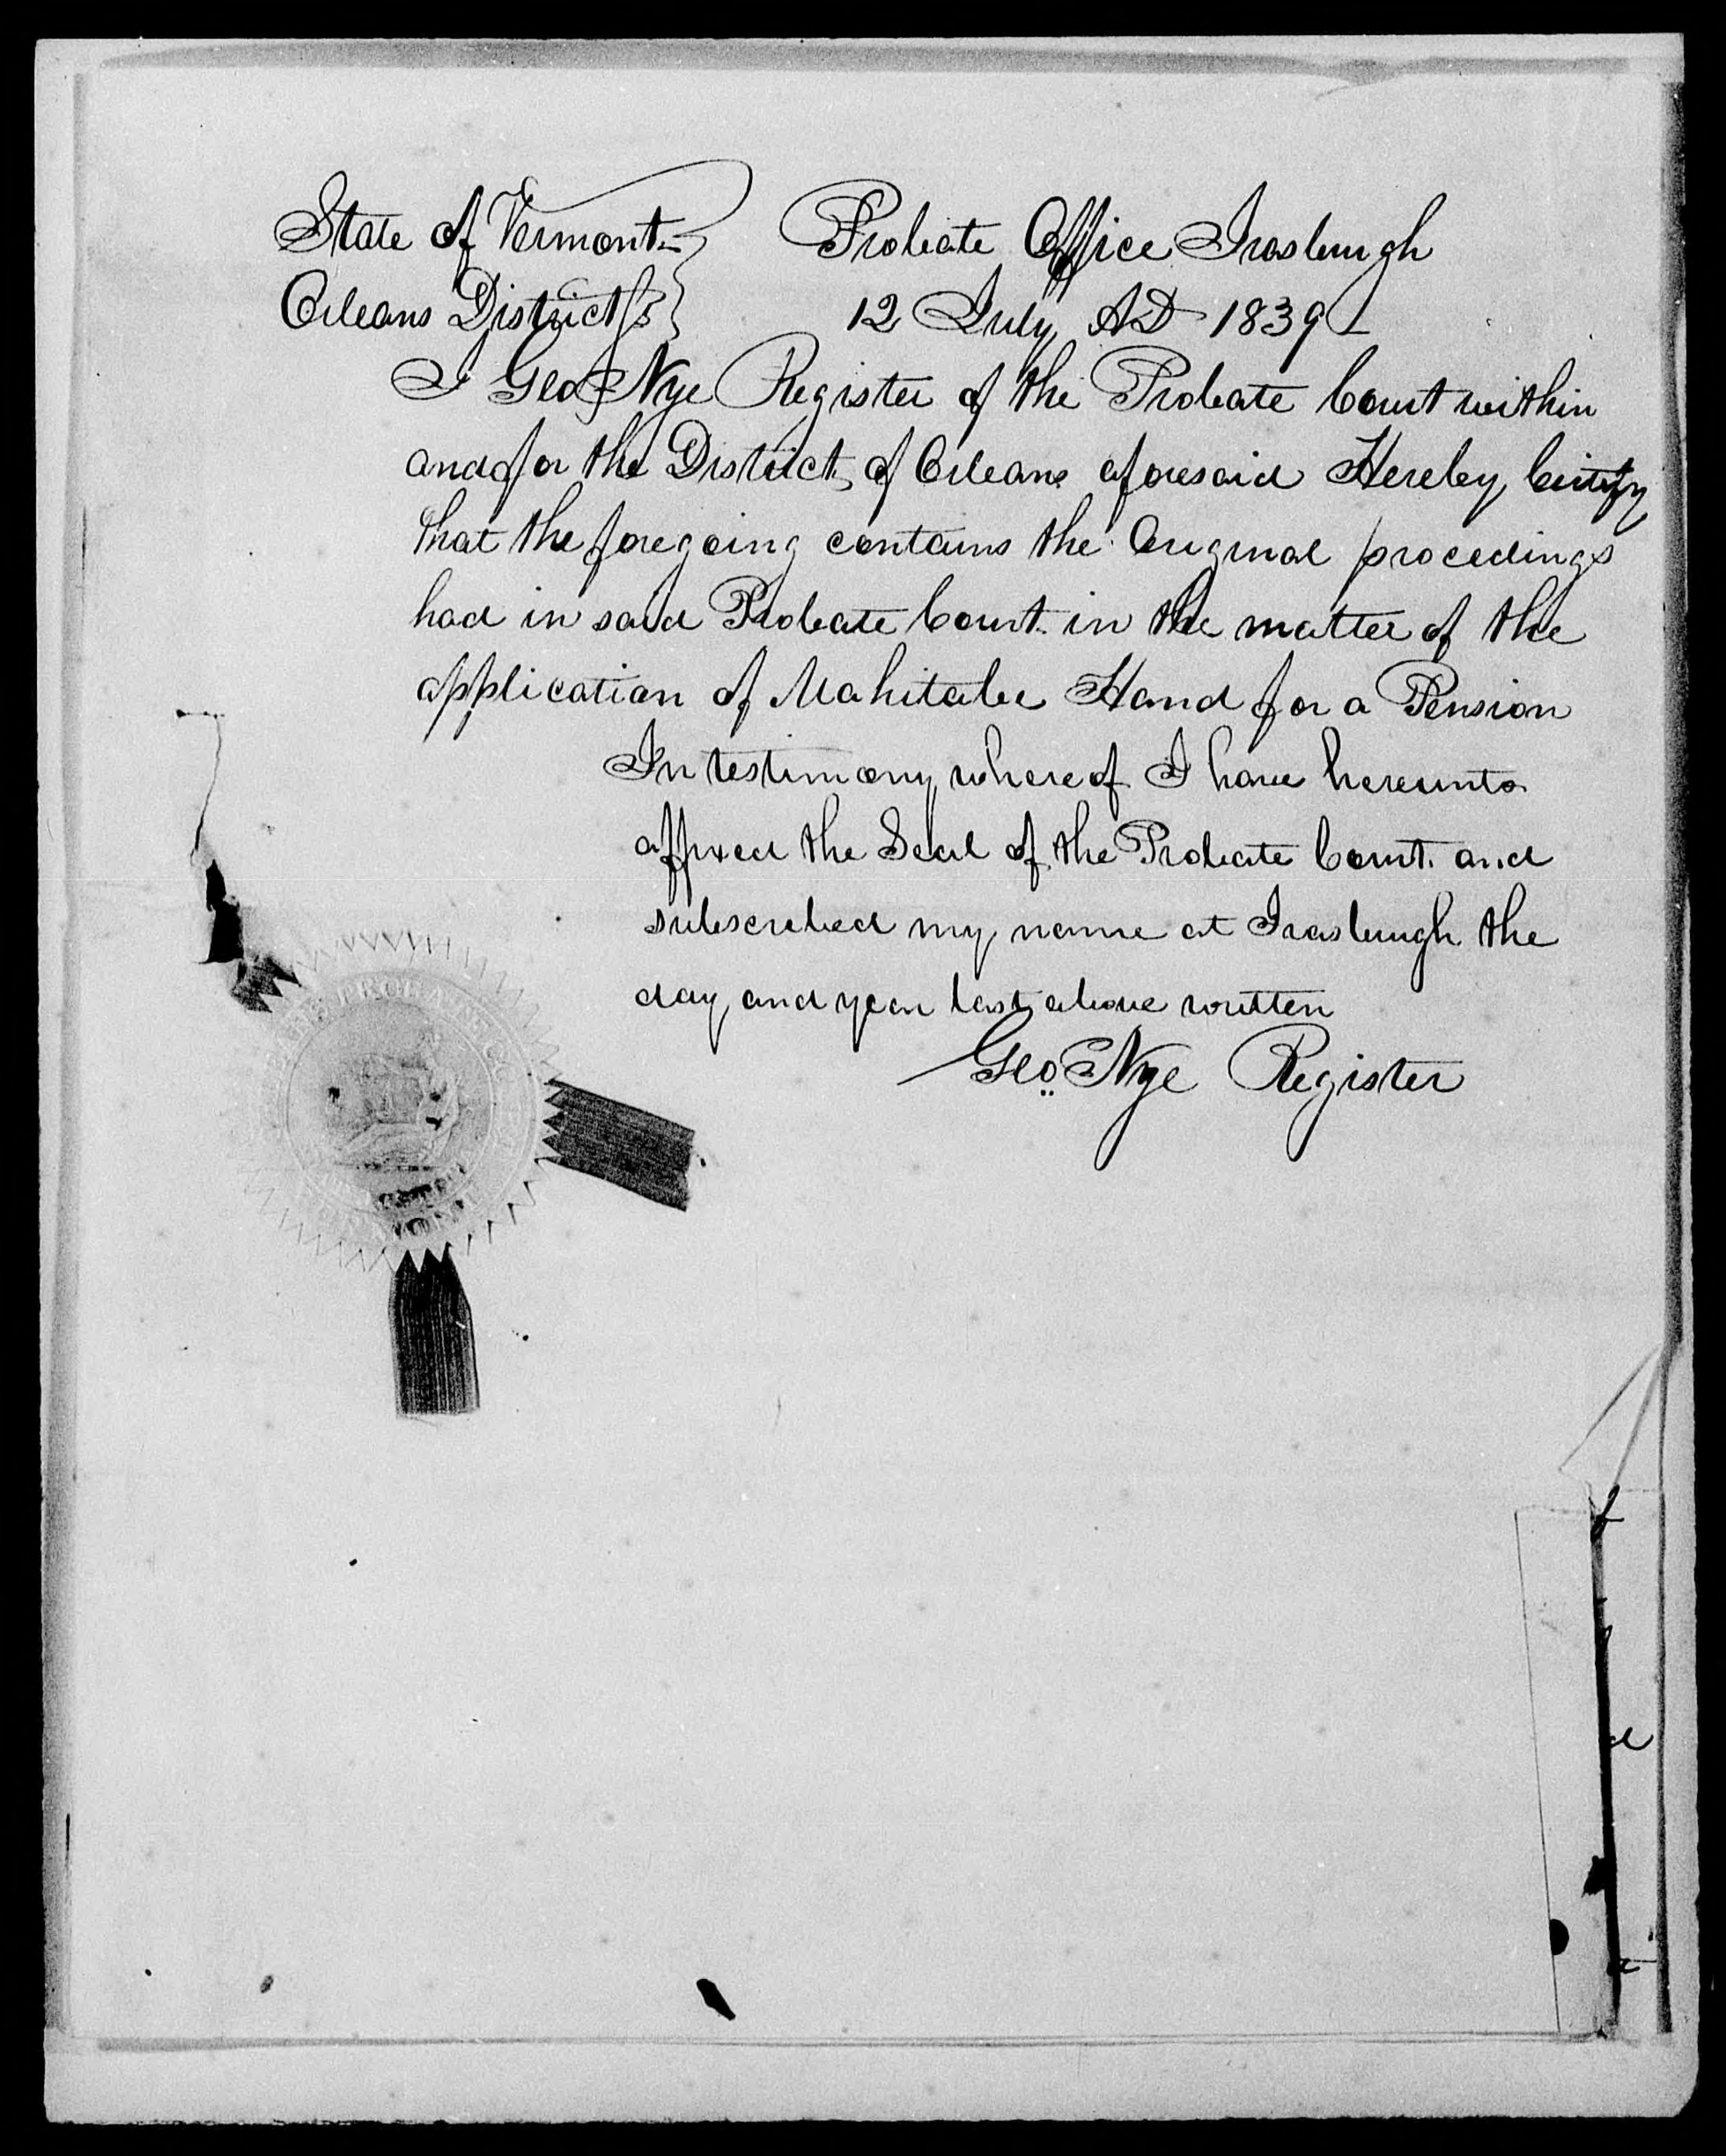State of Vermont
Orleans District
Probate Office Irasburgh
12 July AD 1839
I Geo Nye Register of the Probate Court within
and for the District of Orleans aforesaid Hereby Certify that the foregoing contains the Original proceedings had in said Probate Court in the matter of the application of Mahitable Hand for a Pension
In testimony whereof I have hereunto
affixed the Seal of the Probate Court and
subscribed my name at Irasburgh the day and year last above written
Geo Nye Register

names: Geo Nye, Geo E Nye, Mahitabe Hand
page: 5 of 42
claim: widow's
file: W. 19,722, Ira Hand, N.H. Vt.